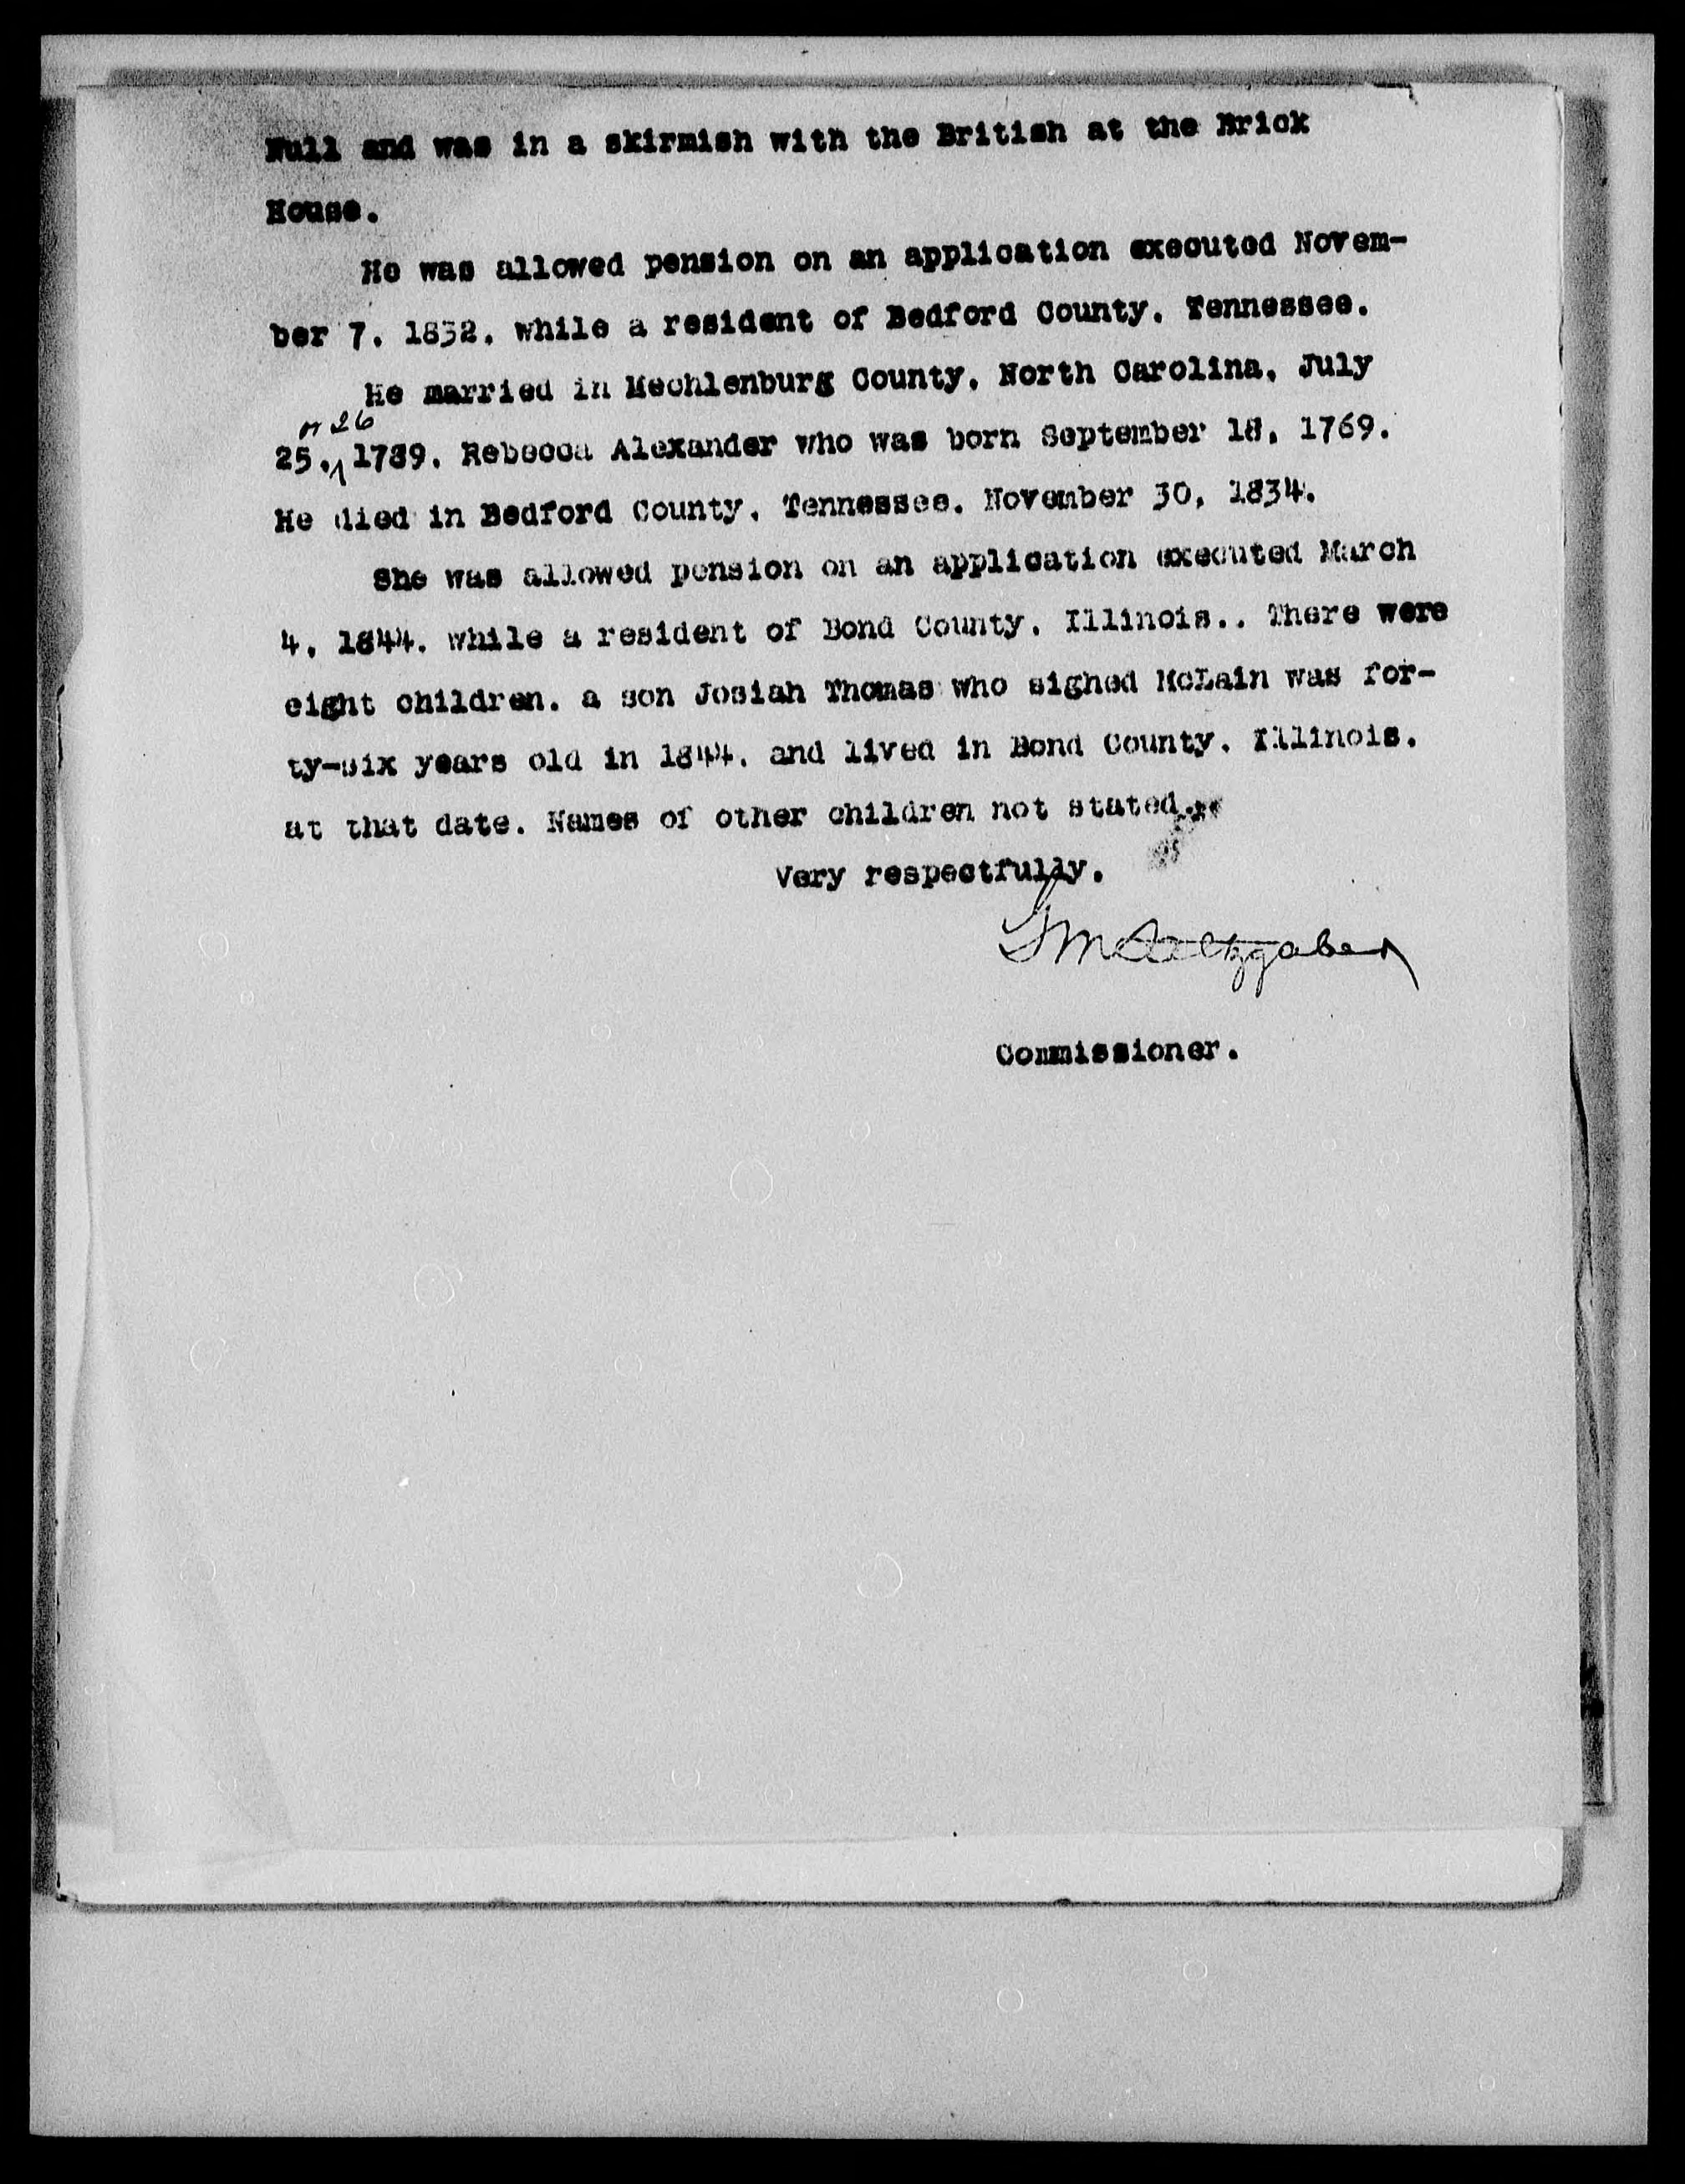Hull and was in a skirmish with the British at the Brick House.
He was allowed pension on an application executed November 7, 1832, while a resident of Bedford County, Tennessee. 
He married in Mecklenburg County, North Carolina, July 25 or 26, 1789. Rebecca Alexander who was born September 18, 1769. He died in Bedford County, Tennessee, November 30, 1834. 
She was allowed pension on an application executed March 4, 1844, while a resident of Bond County, Illinois. There were eight children, a son Josiah Thomas who signed McLain was forty-six years old in 1844, and lived in Bond County, Illinois. at that date. Names of other children not stated. 

Very respectfully, 

G M Saltzgaber 

Commissioner.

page: 23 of 67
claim: widow's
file: W. 21793, for George Mc Lain, North Carolina